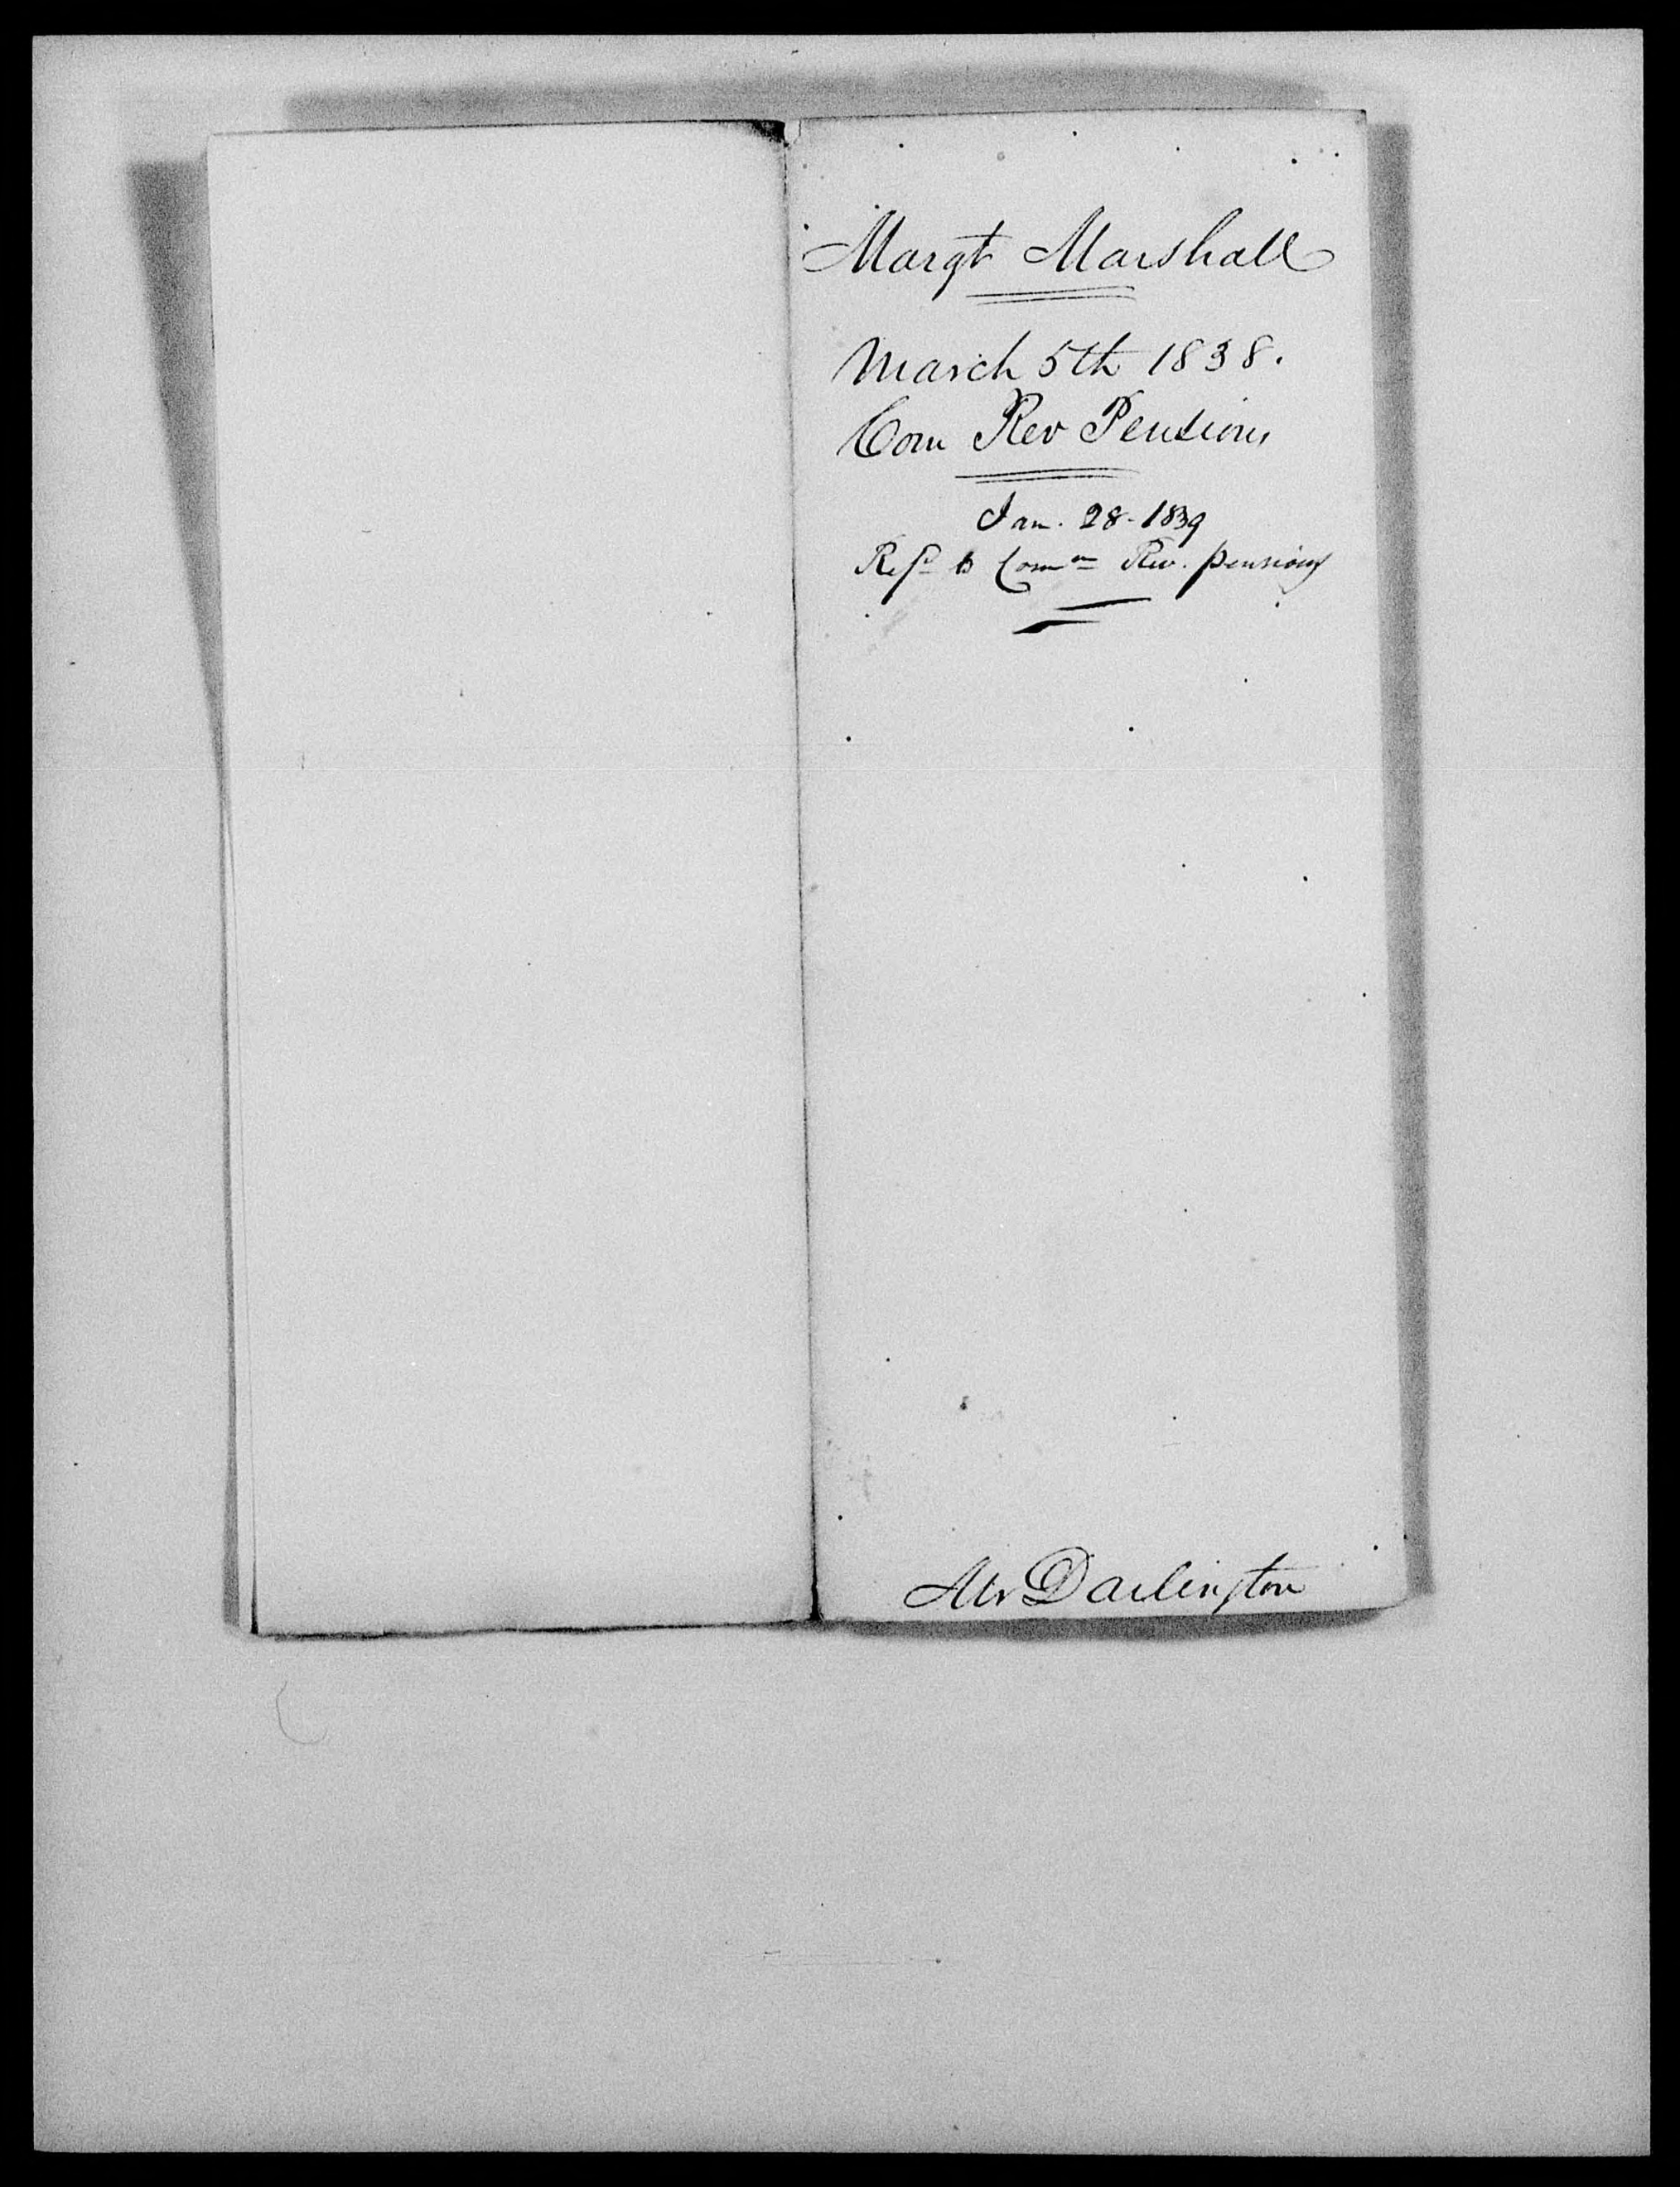Margt Marshall
=================
March 5th 1838.
Com Rev Pensioner
================
Jan 28 1839
[illegible]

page: 51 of 86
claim: widow's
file: W. 3571, for David Marshall, Pennsylvania